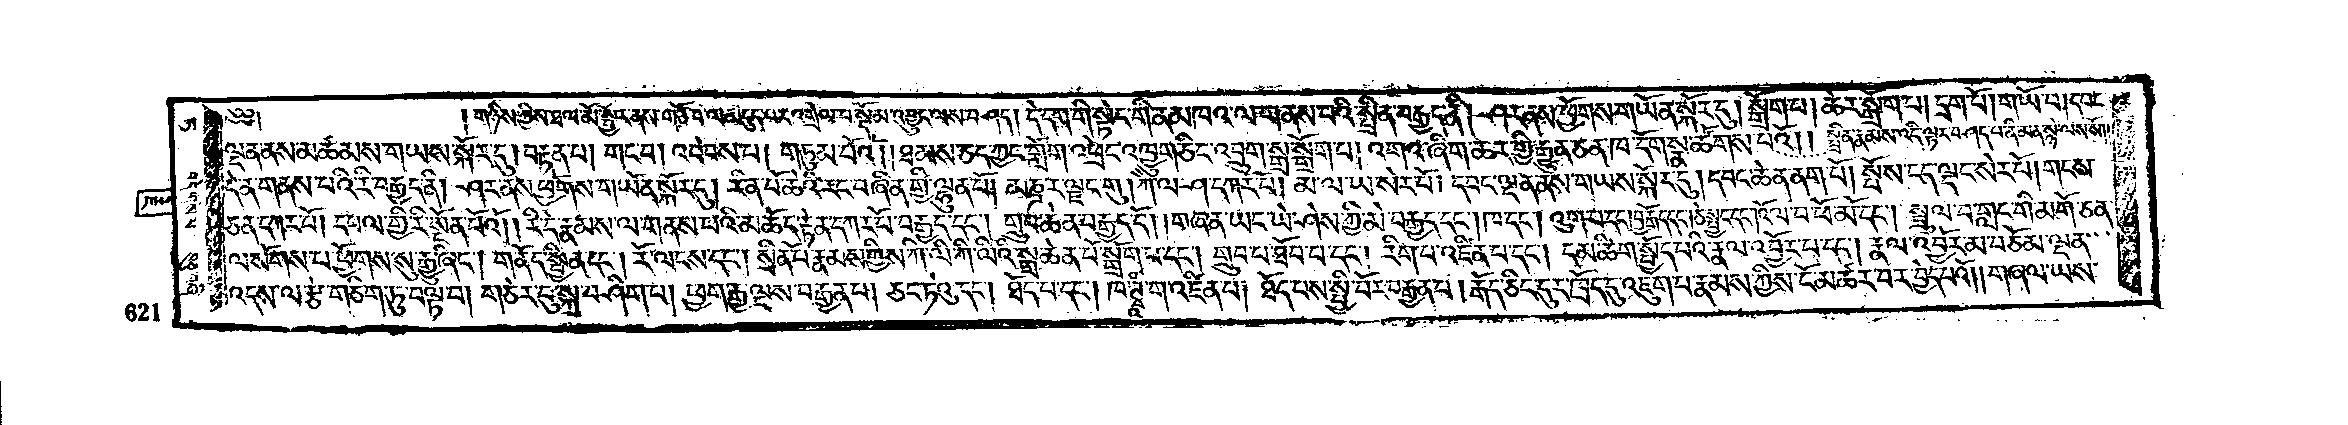༄༅། །གཉིས་ཀྱིས་ཐལ་མོ་སྦྱར་ནས་གཙོ་བོ་ལ་མདུད་པར་འགྲེལ་པ་སྡོམ་འབྱུང་ལས་བཤད། དེ་དག་གི་སྟེང་གི་ནམ་མཁའ་ལ་གནས་པའི་སྤྲིན་བརྒྱད་ནི། ཤར་ནས་ཕྱོགས་གཡོན་སྐོར་དུ། སྒྲོག་པ། ཆེར་སྒྲོག་པ། དྲག་པོ། གཡོ་བ། དབང་
ལྡན་ནས་མཚམས་གཡས་སྐོར་དུ། བརྟན་པ། གང་བ། འབེབས་པ། གཏུམ་པོའོ། །ཐམས་ཅད་ཀྱང་གློག་འཕྲེང་འཁྱུག་ཅིང་འབྲུག་སྒྲ་སྒྲོག་པ། འགའ་ཞིག་ཆར་གྱི་རྒྱུན་ཅན་ཁ་དོག་སྣ་ཚོགས་པའོ། ། སྤྲིན་རྣམས་འདི་ལྟར་བཤད་པ་ནི་མན་སྙེ་ལས་སོ། །
དེ་ན་གནས་པའི་རི་བརྒྱད་ནི། ཤར་ནས་ཕྱོགས་གཡོན་སྐོར་དུ། རིན་པོ་ཆེའི་རང་བཞིན་གྱི་ལྷུན་པོ། མཎྜ་ར་ལྗང་གུ། ཀཻ་ལ་ཤ་དཀར་པོ། མ་ལ་ཡ་སེར་པོ། དབང་ལྡན་ནས་གཡས་སྐོར་དུ། དབང་ཆེན་ནག་པོ། སྤོས་ངད་ལྡང་སེར་པོ། གངས་
ཅན་དཀར་པོ། དཔལ་གྱི་རི་སྔོན་པོའོ། །རི་དེ་རྣམས་ལ་གནས་པའི་མཆོད་རྟེན་དཀར་པོ་བརྒྱད་དང་། གྲུབ་ཆེན་བརྒྱད་དོ། །གཞན་ཡང་ཡེ་ཤེས་ཀྱི་མེ་བརྒྱད་དང་། ཁ་དང་། འུག་པ་དང་། བྱ་རྒོད་དང་། ཅེ་སྤྱང་དང་། འོལ་བ་ཕོ་མོ་དང་། སྦྲུལ་བ་གླང་གི་མགོ་ཅན་
ལ་སོགས་པ་ཕྱོགས་སུ་རྒྱུ་ཞིང་། གནོད་སྦྱིན་དང་། རོ་ལངས་དང་། སྲིན་པོ་རྣམས་ཀྱིས་ཀི་ལི་ཀི་ལིའི་སྒྲ་ཆེན་པོ་སྒྲོག་པ་དང་། གྲུབ་པ་ཐོབ་པ་དང་། རིག་པ་འཛིན་པ་དང་། དམ་ཚིག་སྤྱོད་པའི་རྣལ་འབྱོར་པ་དང་། རྣལ་འབྱོར་མ་བཅོམ་ལྡན་
འདས་ལ་རྩེ་གཅིག་ཏུ་བལྟ་བ། གཅེར་བུ་སྐྲ་བཤིག་པ། ཕྱག་རྒྱ་ལྔས་བརྒྱན་པ། ཅང་ཏེའུ་དང་། ཐོད་པ་དང་། ཁ་ཊྭཱཾ་ག་འཛིན་པ། ཐོད་པས་སྤྱི་བོར་བརྒྱན་པ། རྒོད་ཅིང་དུར་ཁྲོད་དུ་འཇུག་པ་རྣམས་ཀྱིས་ངོ་མཚར་བར་བྱེད་པའོ། །གཞལ་ཡས་